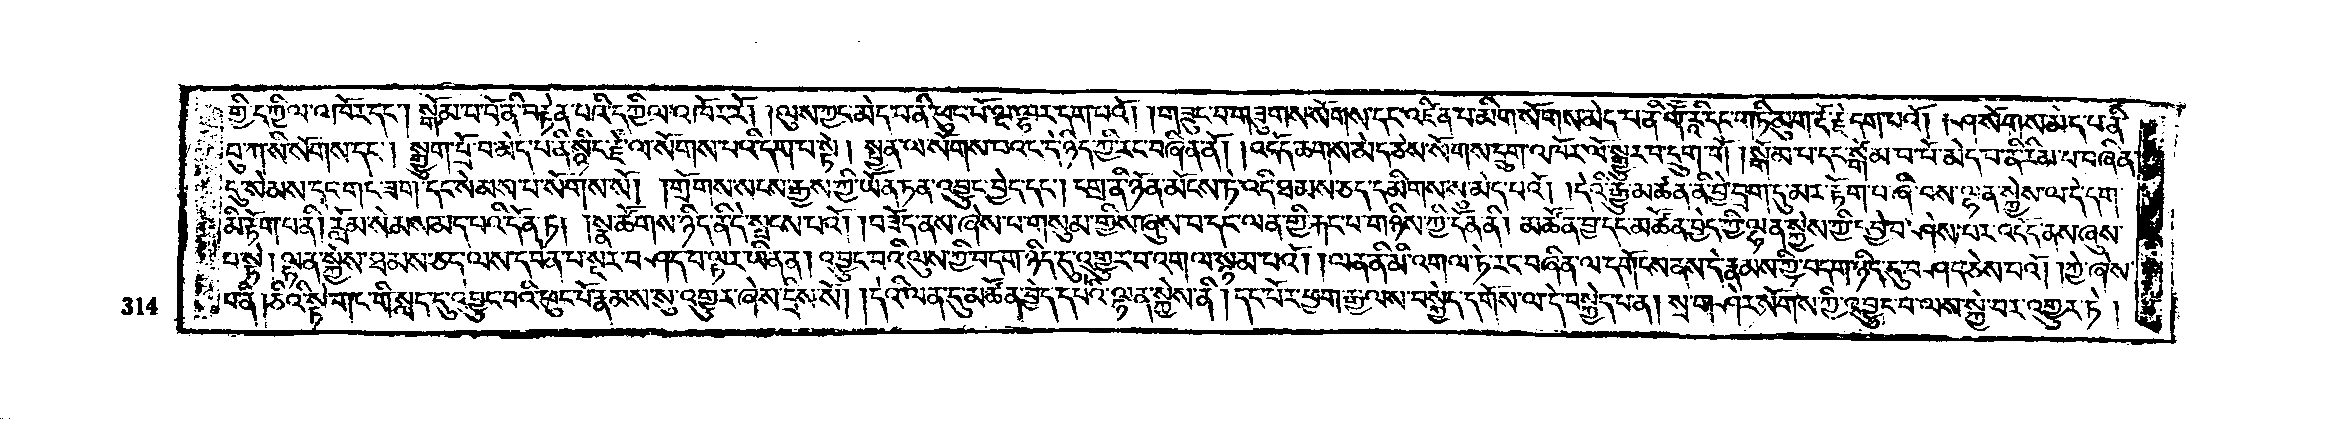གྱི་དཀྱིལ་འཁོར་དང་། སྒོམ་པ་པོ་ནི་བརྟེན་པའི་དཀྱིལ་འཁོར་རོ། །ལུས་ཀྱང་མེད་པ་ནི་ཕུང་པོ་ལྔ་ལྷར་དག་པའོ། །གཟུང་བ་གཟུགས་སོགས་དང་འཛིན་པ་མིག་སོགས་མེད་པ་ནི་གཽ་རཱི་དང་གཏི་མུག་རྡོ་རྗེ་དག་པའོ། །ཤ་སོགས་མེད་པ་ནི་
བུ་ཀ་སི་སོགས་དང་། སྒྱུག་པྲོ་བ་མེད་པ་ནི་སྙིང་རྗེ་ལ་སོགས་པའི་དག་པ་སྟེ། སྤྱན་ལ་སོགས་པའང་དེ་ཉིད་ཀྱི་རང་བཞིན་ནོ། །འདོད་ཆགས་མེད་ཅེས་སོགས་དྲུག་འཁོར་ལོ་སྒྱུར་བ་དྲུག་གོ །སྒོམ་པ་དང་སྒོམ་པ་པོ་མེད་པ་ནི་རིམ་པ་བཞིན་
དུ་སེམས་དང་གང་ཟག་དང་སེམས་པ་སོགས་སོ། །གྲོགས་སངས་རྒྱས་ཀྱི་ཡོན་ཏན་འབྱུང་བྱེད་དང་། དགྲ་ནི་ཉོན་མོངས་ཏེ་འདི་ཐམས་ཅད་དམིགས་སུ་མེད་པའོ། །དེའི་རྒྱུ་མཚན་ནི་བྱེ་བྲག་དུ་མར་རྟོག་པ་ཞི་བས་ལྷན་སྐྱེས་ལ་དེ་དག་
མི་རྟོག་པ་ནི། རློམ་སེམས་མེད་པའི་དོན་ཏོ། །སྣ་ཚོགས་ཉིད་ནི་དེ་སྤངས་པའོ། །བཟོད་ནས་ཞེས་པ་གསུམ་གྱིས་ཞུས་པ་དང་ལན་གྱི་རྐང་པ་གཉིས་ཀྱི་དོན་ནི། མཚོན་བྱ་དང་མཚོན་བྱེད་ཀྱི་ལྷན་སྐྱེས་ཀྱི་དབྱེ་བ་ཤེས་པར་འདོད་ནས་ཞུས་
པ་སྟེ། ལྷན་སྐྱེས་ཐམས་ཅད་ལས་དབེན་པ་སྔར་བཤད་པ་ལྟར་ཡིན་ན། འབྱུང་བའི་ལུས་ཀྱི་བདག་ཉིད་དུ་འགྱུར་བ་འགལ་སྙམ་པའོ། །ལན་ནི་མི་འགལ་ཏེ་རང་བཞིན་ལ་དགོངས་ནས་དེ་རྣམས་ཀྱི་བདག་ཉིད་དུ་བཤད་ཅེས་པའོ། །ཀྱེ་ཞེས་
པ་ནི། ཅིའི་སྟེ་གང་གི་སླད་དུ་འབྱུང་བའི་ཕུང་པོ་རྣམས་སུ་འགྱུར་ཞེས་དྲིས་སོ། །དེའི་ལན་དུ་མཚོན་བྱེད་དཔེའི་ལྷན་སྐྱེས་ནི། དང་པོར་ཕྱག་རྒྱ་ལས་བསྐྱེད་དགོས་ལ་དེ་བསྐྱེད་པ་ན། སྲ་གཤེར་སོགས་ཀྱི་འབྱུང་བ་ལས་སྐྱེ་བར་འགྱུར་ཏེ།